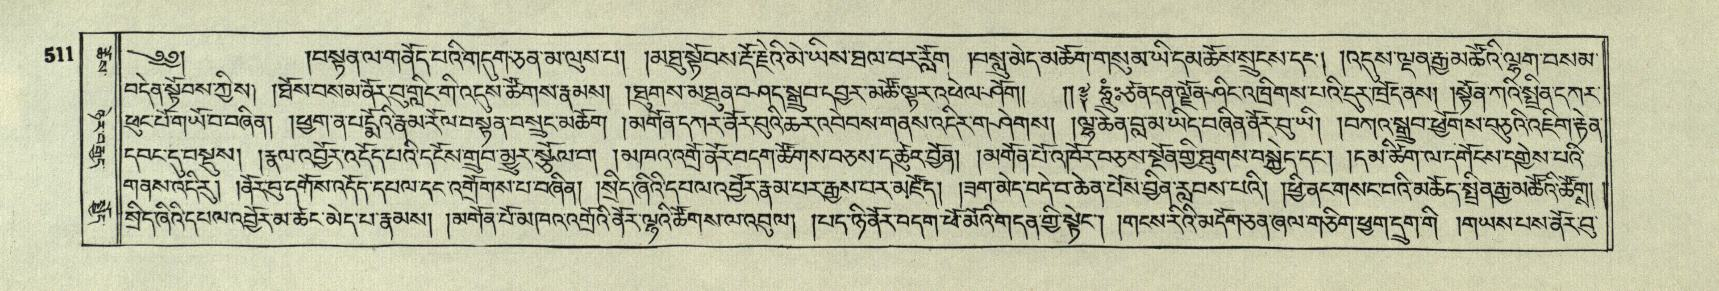༄༅། །བསྟན་ལ་གནོད་པའི་གདུག་ཅན་མ་ལུས་པ། །མཐུ་སྟོབས་རྡོ་རྗེའི་མེ་ཡིས་ཐལ་བར་རློག །བསླུ་མེད་མཆོག་གསུམ་ཡི་དམ་ཆོས་སྲུངས་དང་། །འདུས་ལྡན་རྒྱ་མཚོའི་ལྷག་བསམ་
བདེན་སྟོབས་ཀྱིས། །ཐོས་བསམ་ནོར་བུ་གླིང་གི་འདུས་ཚོགས་རྣམས། །ཐུགས་མཐུན་བཤད་སྒྲུབ་དབྱར་མཚོ་ལྟར་འཕེལ་ཤོག། །། འ་ཧཱུཾཿ ཙན་དན་ལྗོན་ཤིང་འཁྲིགས་པའི་དུར་ཁྲོད་ནས། །སྟོན་ཀའི་སྤྲིན་དཀར་
ཕུང་པོ་གཡོ་བ་བཞིན། །ཕྱག་ན་པདམོའི་རྣམ་རོལ་བསྟན་བསྲུང་མཆོག །མགོན་དཀར་ནོར་བུའི་ཆར་འབེབས་གནས་འདིར་གཤེགས། །ལྷ་ཆེན་བླ་མ་ཡིད་བཞིན་ནོར་བུ་ཡི། །བཀའ་སྒྲུབ་ཕྱོགས་བཅུའི་འཇིག་རྟེན་
དབང་དུ་བསྡུས། །རྣལ་འབྱོར་འདོད་པའི་དངོས་གྲུབ་མྱུར་སྩོལ་བ། །མཁའ་འགྲོ་ནོར་བདག་ཚོགས་བཅས་ད་ཚུར་བྱོན། །མགོན་པོ་འཁོར་བཅས་སྔོན་གྱི་ཐུགས་བསྐྱེད་དང་། །དམ་ཚིག་ལ་དགོངས་དགྱེས་པའི་
གནས་འདི་རུ། །ནོར་བུ་དགོས་འདོད་དཔལ་དང་འགྲོགས་པ་བཞིན། །སྲིད་ཞིའི་དཔལ་འབྱོར་རྣམ་པར་རྒྱས་བར་མཛོད། །ཟག་མེད་བདེ་བ་ཆེན་པོས་བྱིན་རླབས་པའི། །ཕྱི་ནང་གསང་བའི་མཆོད་སྤྲིན་རྒྱ་མཚོའི་ཚོགས། །
སྲིད་ཞིའི་དཔལ་འབྱོར་མ་ཚང་མེད་པ་རྣམས། །མགོན་པོ་མཁའ་འགྲོའི་ནོར་ལྷའི་ཚོགས་ལ་འབུལ། །པད་ཉི་ནོར་བདག་ཕོ་མོའི་གདན་གྱི་སྟེང་། །གངས་རིའི་མདོག་ཅན་ཞལ་གཅིག་ཕྱག་དྲུག་གི །གཡས་པས་ནོར་བུ་